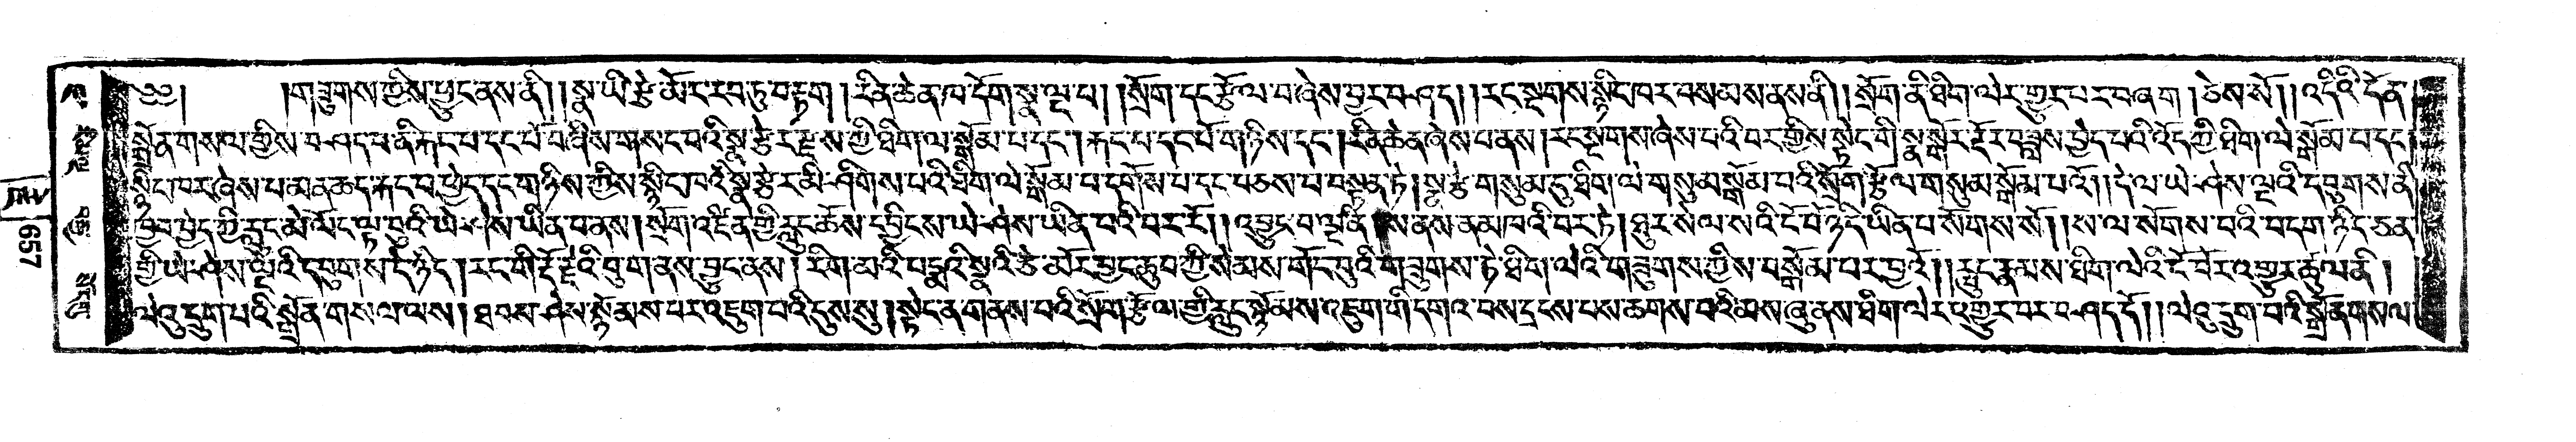༄༅། །གཟུགས་ཀྱིས་ཕྱུང་ནས་ནི། །སྣ་ཡི་རྩེ་མོར་རབ་ཏུ་བརྟག །རིན་ཆེན་ཁ་དོག་སྣ་ལྔ་པ། །སྲོག་དང་རྩོལ་བ་ཞེས་བྱར་བཤད། །རང་སྔགས་སྙིང་ཁར་བསམས་ནས་ནི། །སྲོག་ནི་ཐིག་ལེར་གྱུར་པར་བཞག །ཅེས་སོ། །འདིའི་དོན་
སྒྲོན་གསལ་གྱིས་བཤད་པ་ནི་རྐང་པ་དང་པོ་བཞིས་གསང་བའི་སྣ་རྩེར་རྫས་ཀྱི་ཐིག་ལ་སྒོམ་པ་དང་། རྐང་པ་དང་པོ་གཉིས་དང་། རིན་ཆེན་ཞེས་པ་ནས། རང་སྔགས་ཞེས་པའི་བར་གྱིས་སྟེང་གི་སྣ་སྒོར་རྡོར་བཟླས་བྱེད་པའི་འོད་ཀྱི་ཐིག་ལེ་སྒོམ་པ་དང་
སྙིང་ཁར་ཞེས་པ་མན་ཆད་རྐང་པ་ཕྱེད་དང་གཉིས་ཀྱིས་སྙིང་ཁའི་སྣ་རྩེར་མི་ཤིགས་པའི་ཐིག་ལེ་སྒོམ་པ་དགོས་པ་དང་བཅས་པ་བསྟན་ཏེ། སྣ་རྩེ་གསུམ་དུ་ཐིག་ལེ་གསུམ་སྒོམ་པའི་སྲོག་རྩོལ་གསུམ་སྒོམ་པའོ། །དེ་ལ་ཡེ་ཤེས་ལྔའི་དབུགས་ནི་
ཁྱབ་བྱེད་ཀྱི་རླུང་མེ་ལོང་ལྟ་བུའི་ཡེ་ཤེས་ཡིན་པ་ནས། སྲོག་འཛིན་གྱི་རླུང་ཆོས་དབྱིངས་ཡེ་ཤེས་ཡིན་པའི་བར་རོ། །འབྱུང་བ་ལྔ་ནི། ས་ནས་ནམ་མཁའི་བར་ཏེ། ཐུར་སེལ་སའི་ངོ་བོ་ཉིད་ཡིན་པ་སོགས་སོ། །ས་ལ་སོགས་པའི་བདག་ཉིད་ཅན་
གྱི་ཡེ་ཤེས་ལྔའི་དབུགས་དེ་ཉིད། རང་གི་རྡོ་རྗེའི་བུ་གནས་བྱུང་ནས། རིག་མའི་པདམའི་སྣའི་རྩེ་མོར་བྱང་ཆུབ་ཀྱི་སེམས་གོང་བུའི་གཟུགས་ཏེ་ཐིག་ལེའི་གཟུགས་ཀྱིས་བསྒོམ་པར་བྱའོ། །རླུང་རྣམས་ཐིག་ལེའི་ངོ་བོར་འགྱུར་ཚུལ་ནི།
ལེའུ་དྲུག་པའི་སྒྲོན་གསལ་ལས། ཐབས་ཤེས་སྙོམས་པར་འཇུག་པའི་དུས་སུ། །སྟེང་ན་གནས་པའི་སྲོག་རྩོལ་གྱི་རླུང་སྙོམས་འཇུག་གི་དགའ་བས་དྲངས་པས་ཆགས་པའི་མེས་ཞུ་ནས་ཐིག་ལེར་འགྱུར་བར་བཤད་དོ། །ལེའུ་དྲུག་པའི་སྒྲོན་གསལ་